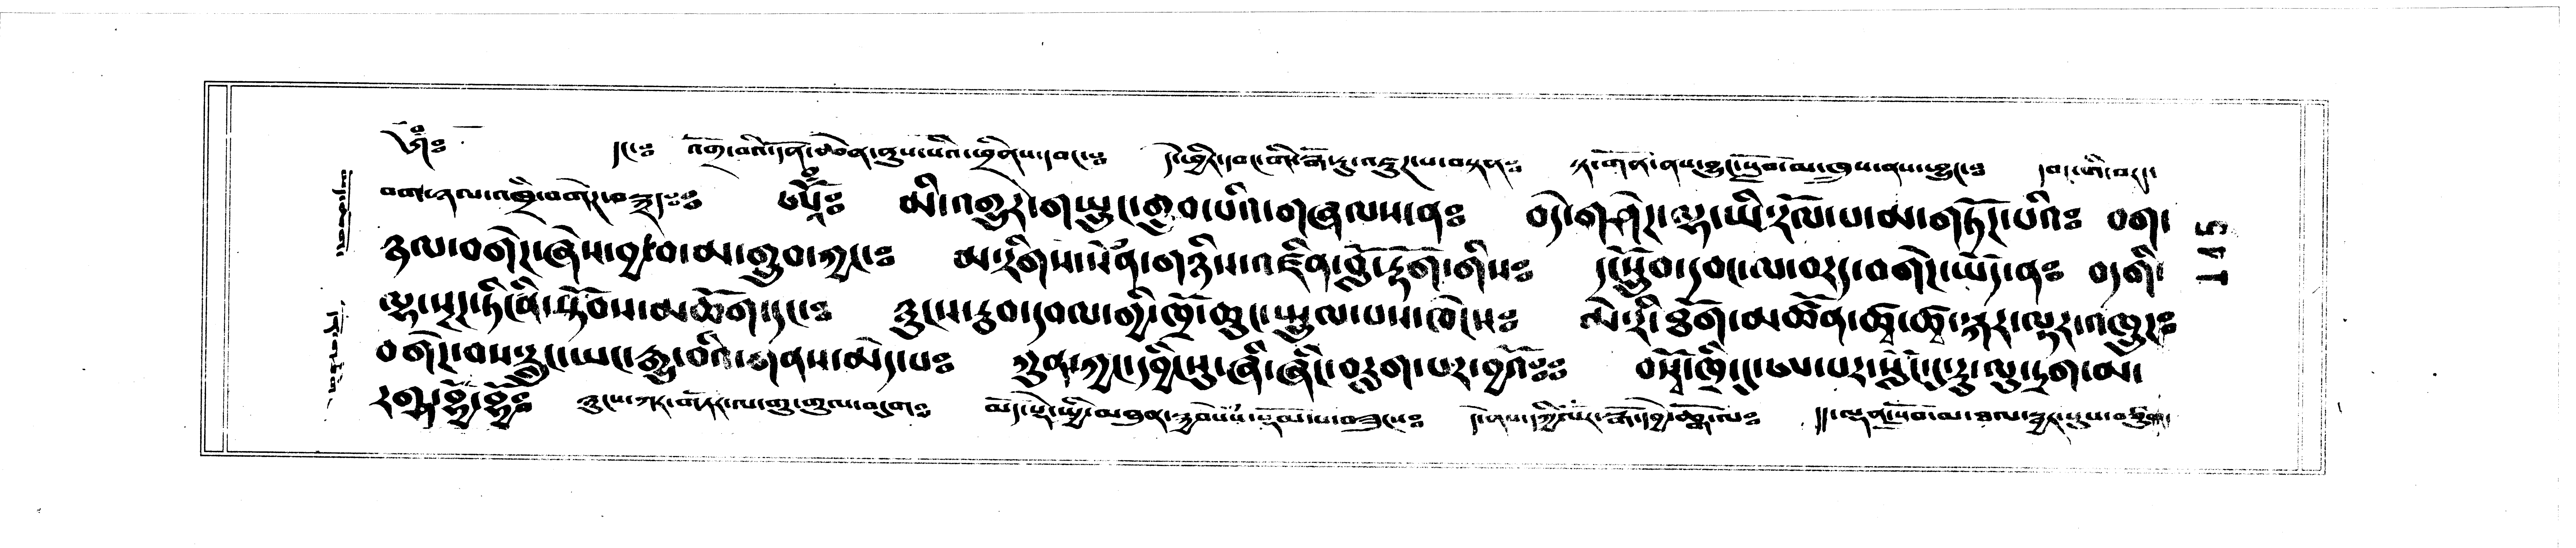དངཿ འགྲོ་བའི་དོན་ཆེན་ནུས་པའི་འཕྲིན་ལས་དབངཿ དེ་ཕྱིར་དབང་གི་སྒོ་རུ་འཇུག་པ་བསྟནཿ སྟ་གོན་ནས་བྱུང་སློབ་མ་ཁྲུས་ནས་ཕྱུངཿ དབང་གི་བར་ཆད་
བག་ཉལ་འཁྲི་གེགས་བསྐྲདཿ ཨཱོྃཿ མི་འགྱུར་གཡུང་དྲུང་གྲུབ་པའི་གཞལ་ཡས་ནཿ བདེར་གཤེགས་ལྷ་ཡི་རོལ་པ་མ་གཏོགས་པའིཿ བག་
ཉལ་བགེགས་ཞེས་བྱ་བ་མ་གྲུབ་ཀྱངཿ མ་རིག་སེམས་ཅན་གཉིས་འཛིན་བློ་རྟོག་གིསཿ དངོས་གྲུབ་དབང་ལ་བར་ཆད་བགེགས་ཡོད་ནཿ བདག་གི་
ལྷ་སྔགས་ཏིང་འཛིན་སྟོབས་མཆོག་དངཿ ཉུང་རྦབ་དབལ་གྱི་ཁྲོ་ཆུང་སྤྲུལ་པས་ཁེངསཿ མེ་རི་ཐོག་མཚོན་ཚ་ཚ་སྐར་ལྟར་འཁྲུགསཿ 
བགེགས་བས་རླུང་ཡང་རྒྱུ་བའི་གནས་མེད་པཿ ཀུན་ཀྱང་དབྱིངས་སུ་ཞི་ཞིང་བརླག་པར་བྱའོཿ བསྭོ་ཁྲི་དུ་ཨ་པར་ཀློང་དུ་རི་ལི་ཏྲག་མ་
རགྴ་བྷྱོ་བྷྱོཿ ཉུང་དཀར་གཏོར་ལ་གུ་ཁུལ་བདུགཿ མདོ་སྡེ་སྤྱི་མཐུན་སྐྱབས་སེམས་སྡོམ་པ་བཟུངཿ དེ་ནས་དཀྱིལ་འཁོར་སྒོ་དབྱེ་ཆོ་ག་ལཿ དད་ལྡན་སློབ་མ་ཐལ་སྦྱར་པུས་བཙུགས་